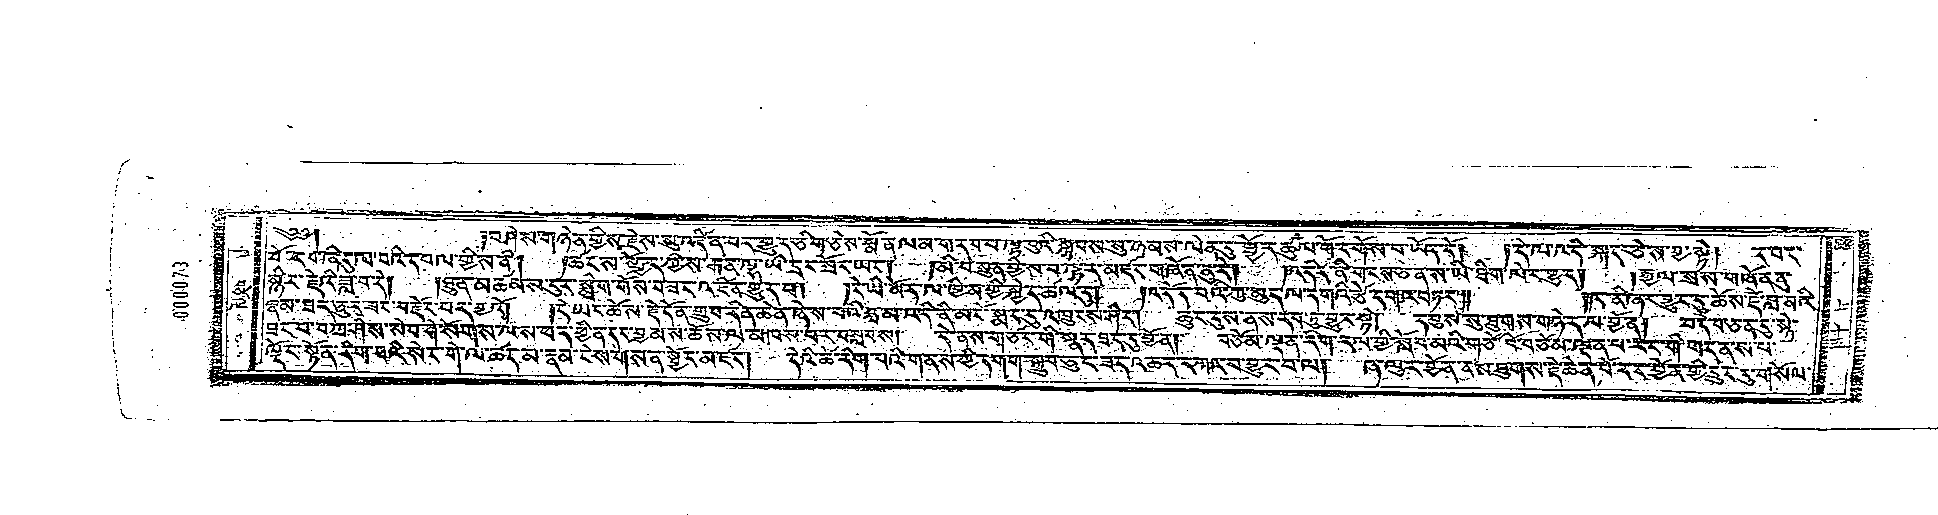༄༅། །བཤེས་གཉེན་གྱིས་རྗེས་སུ་འཛིན་པར་གྱུར་ཅིག་ཅེས་སྨོན་ལམ་གདབ་པ་ལྟ་བུའི་སྐབས་སུ་ཉམས་ལེན་དུ་སྦྱོར་ཚུལ་གོང་གོས་པ་ཡོད་དོ། །དེ་ལ་འདི་སྐད་ཅེས་བྱ་སྟེ། དབང་
བོ་དང་ཞི་དུལ་བའི་དཔལ་གྱིས་ནི། །ཚངས་སྤྱོད་ཀྱིས་རྒན་ལྷ་ཡི་དྲང་སྲོང་ཡང་། །མི་བསྲུན་བྱི་ས་བ་ལྟར་མཛད་གཞོན་ནུ་དེ། །འདིར་ནི་གངས་ཅན་ས་ཡི་ཐིག་ལེར་གྱུར། །རྒྱལ་སྲས་གཞོན་ནུ་
སྙིང་རྗེའི་ཟླ་བ་དེ། །ཐུན་མཚམས་དུར་སྨྲེག་གོས་བཟང་འཛིན་གྱུར་པ། །དེ་ཡི་མོར་ལ་ཁྱི་མ་གྱི་སྐྱེད་ཚལ་དུ། །འདོད་པའི་ཀུ་མུད་ལ་དགའི་རྩེ་དགའ་བཏད།། །།ད་ནི་ཞར་བྱུང་དུ་ཆོས་རྗེ་བླ་མའི་
རྣམ་ཐར་ཅུང་ཟད་བརྗོད་བར་བྱའོ། །དེ་ཡང་ཆོས་རྗེ་དོན་གྲུབ་རིན་ཆེན་ཞེས་བའི་བླ་མ་འདི་ནི་མདོ་སྨད་དུ་འཁྲུངས་ཤིང་། ཆུང་དུས་ནས་རབ་ཏུ་བྱུང་སྟེ། དབུས་སུ་ཐུགས་གཉེར་ལ་བྱོན། བདེ་བ་ཅན་དུ་སྙེ་
ཐང་བ་བཀྲ་ཤིས་སེང་གེ་སོགས་ལས་ཕར་ཕྱིན་དང་བྱམས་ཆོས་ལ་མཁས་པར་བསླབས། དེ་ནས་གཙང་གི་སྣར་ཐང་དུ་བྱོན། བཅོམ་ལྡན་རིག་རལ་གྱི་སློབ་མའི་གཙོ་བོ་བཅོམ་ལྡན་བ་རང་གི་གདན་ས་པ་
ལྡོང་སྟོན་རིག་བའི་སེང་གེ་ལ་ཚད་མ་རྣམ་ངེས་གསན་སྦྱོད་མཛད། དེའི་ཚེ་རིག་པའི་གནས་ཀྱི་དགག་སྒྲུབ་ཅུང་ཟད་འཆད་དཀར་བ་བྱུང་བ་ལ། ཞ་ལུར་བྱོན་ནས་ཐུགས་རྗེ་ཆེན་པོ་རང་བྱོན་གྱི་དྲུང་དུ་གསོལ་